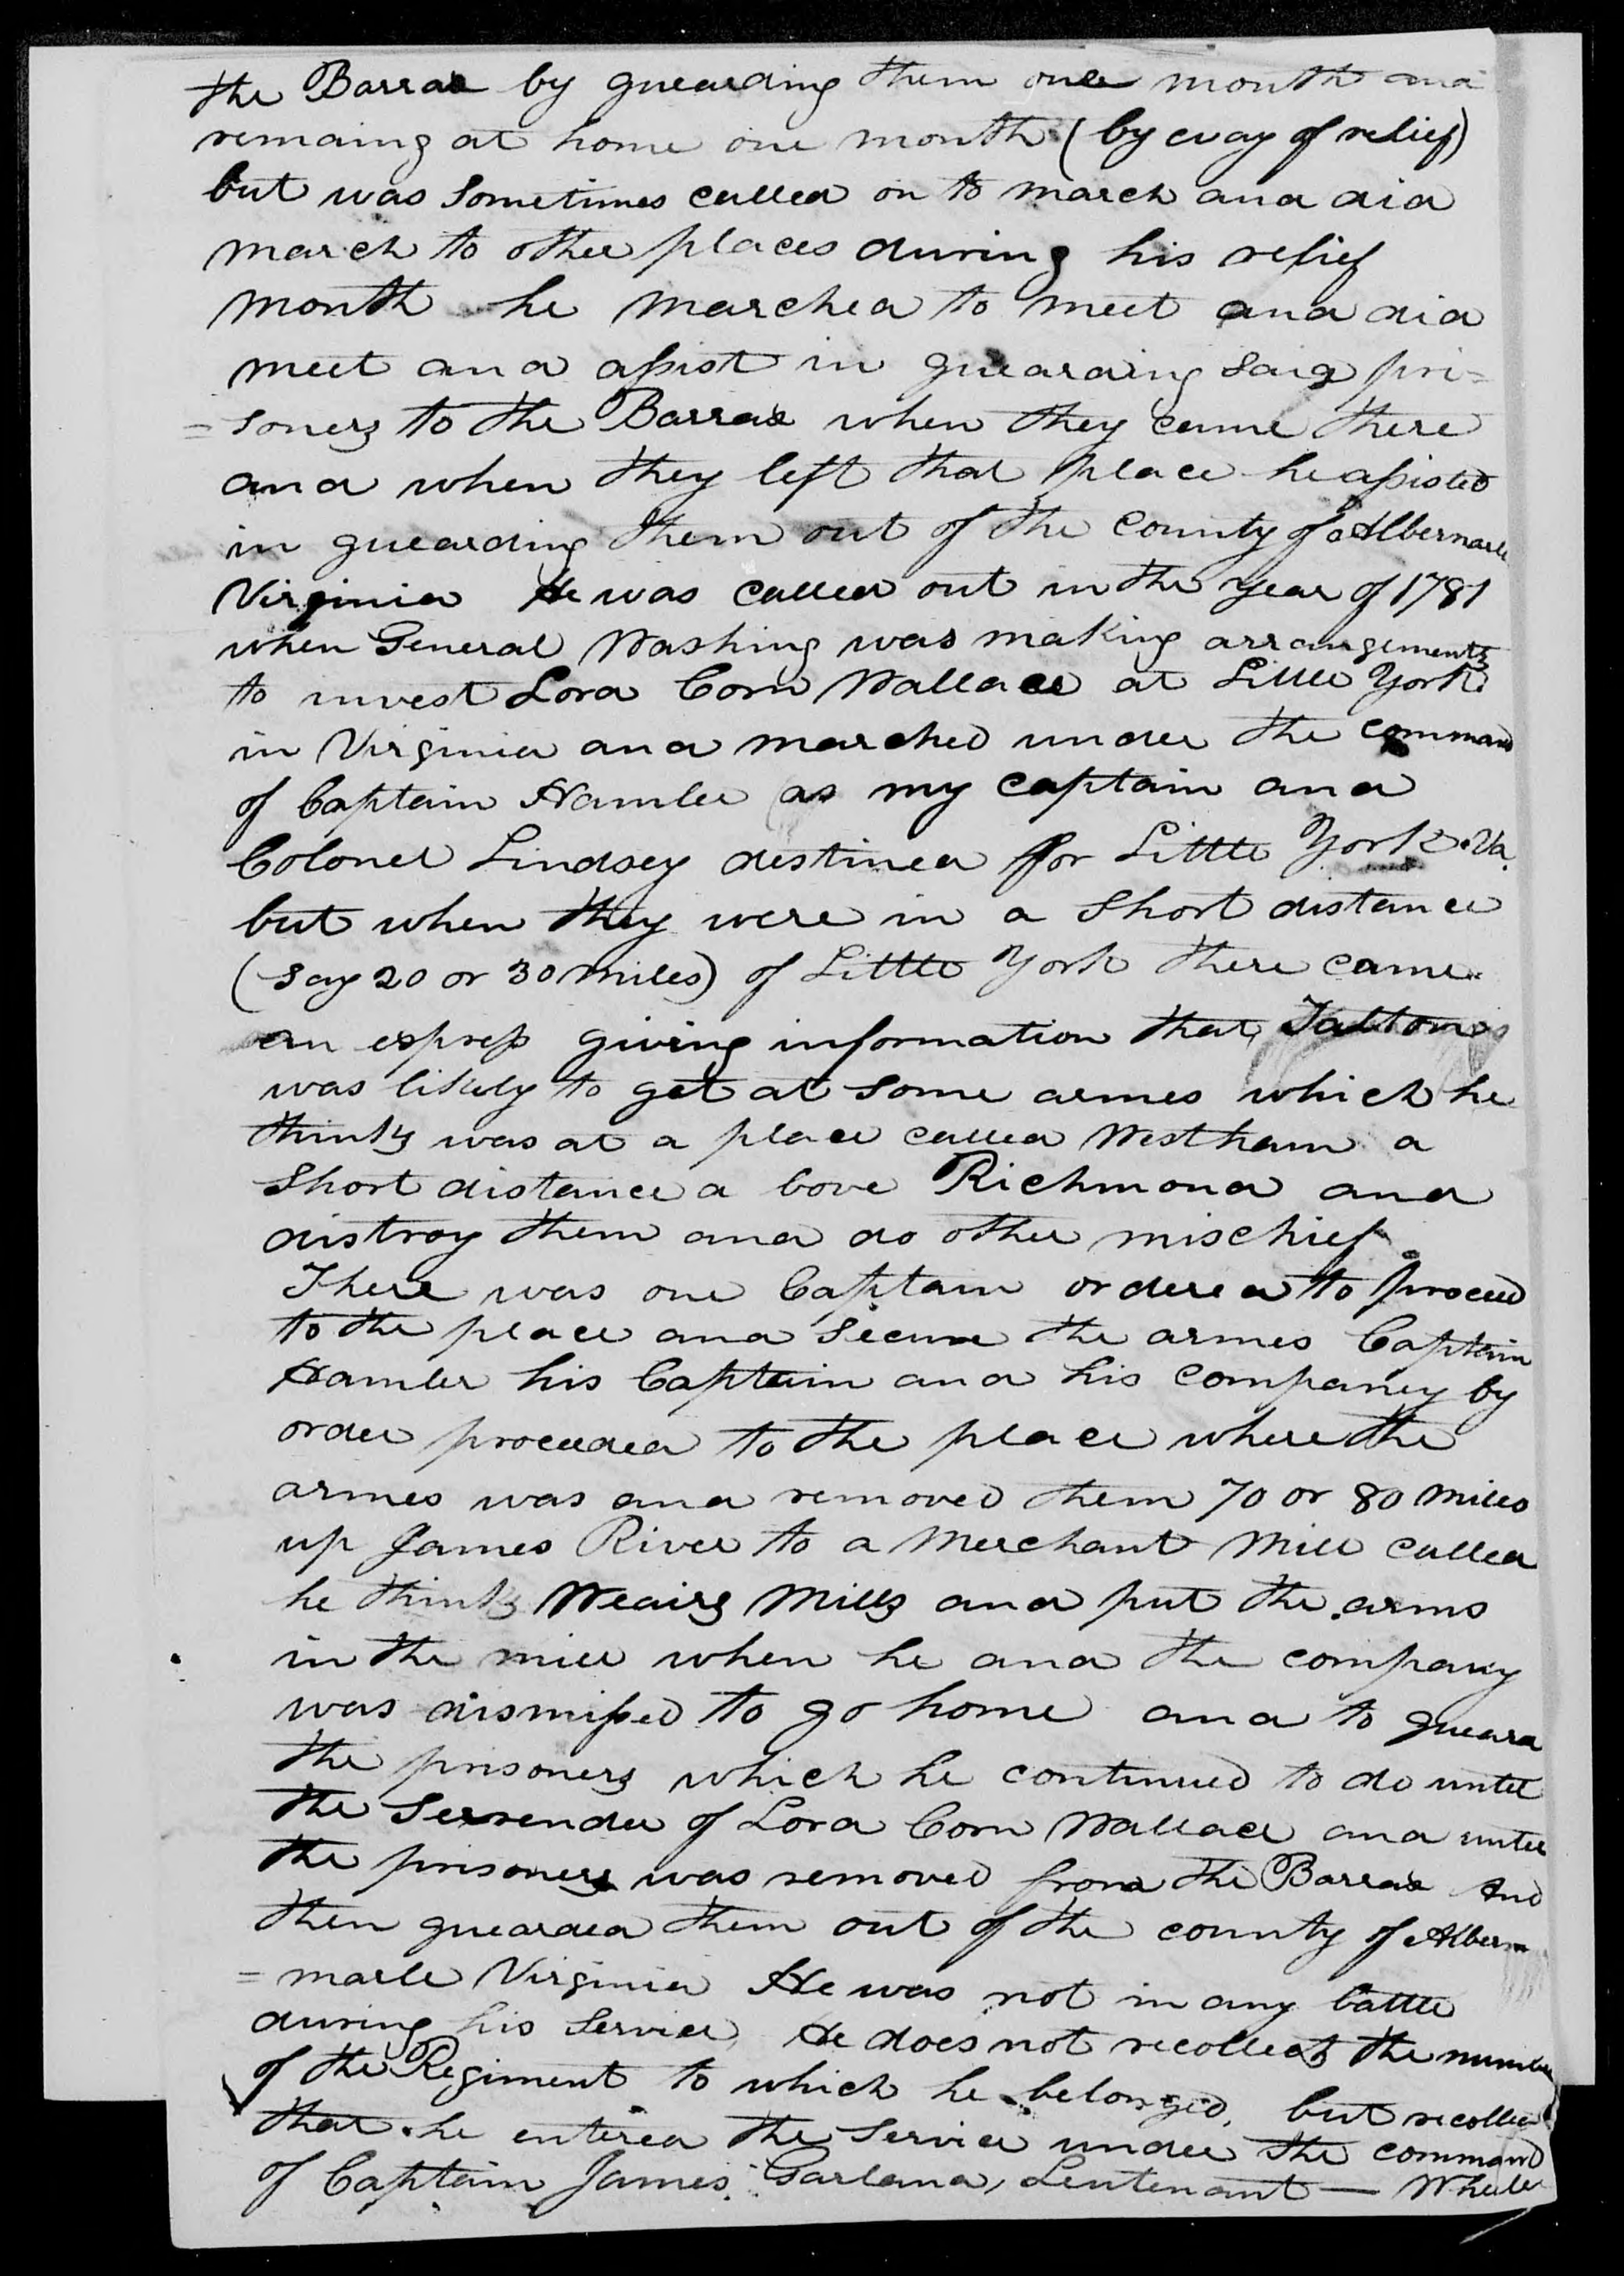the Barrax{Barracks} by guarding them one month and
remaining at home one month (by way of relief
but was sometimes called on to march and did
march to other places during his relief
month he marched to meet and did
meet and assist in guarding said prisoners
to the Barrax[barracks] when they came there
and when they left that place he assisted
in guarding them out of the County of Albermarle 
Virginia He was called out in the year of 1781
when General Washing was making arrangements
to invest Lord Cornwallace at Little York
in Virginia and marched under the command
of Captain Hamler as my captain and
Colonel Lindsey destined for Little York Va
but when they were in a short distance
(say 20 or 30 miles) of Little York there came
an express giving information that Tarlton
was likely to get at some armes[sic] which he
thinks was at a place called Westham a
Short distance above Richmond and
distroy them and do other mischief
There was one Captain ordered to proceed
to the place and secure the armes[sic] Captain
Hamber his Captain and his company by
order proceeded to the place where the
armes[sic] was and removed them 70 or 80 miles
up James River to a Merchant Mill called
he thinks Weairs Mills and put the arms
in the mill when he and the company
was dismissed to go home and to guard
the prisoners which he continued to do until
the surrender of Lord Corn Wallace and until
the prisoners was removed from the Barrax[Barracks] and
then guarded them out of the County of Albemarle
 Virginia He was not in any battle
during his service. He does not recollect the number
of the Regiment to which he belonged, but recollects
that he entered the service under the command
of Captain James Garland, Leutenant - Wheeler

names: [BLANK] Lindsey; [BLANK] Washing; James Garland; [BLANK] Wheeler; [BLANK] Hamler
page: 4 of 34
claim: survivor's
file: S. 30608, for Gabrel Mullins, Virginia